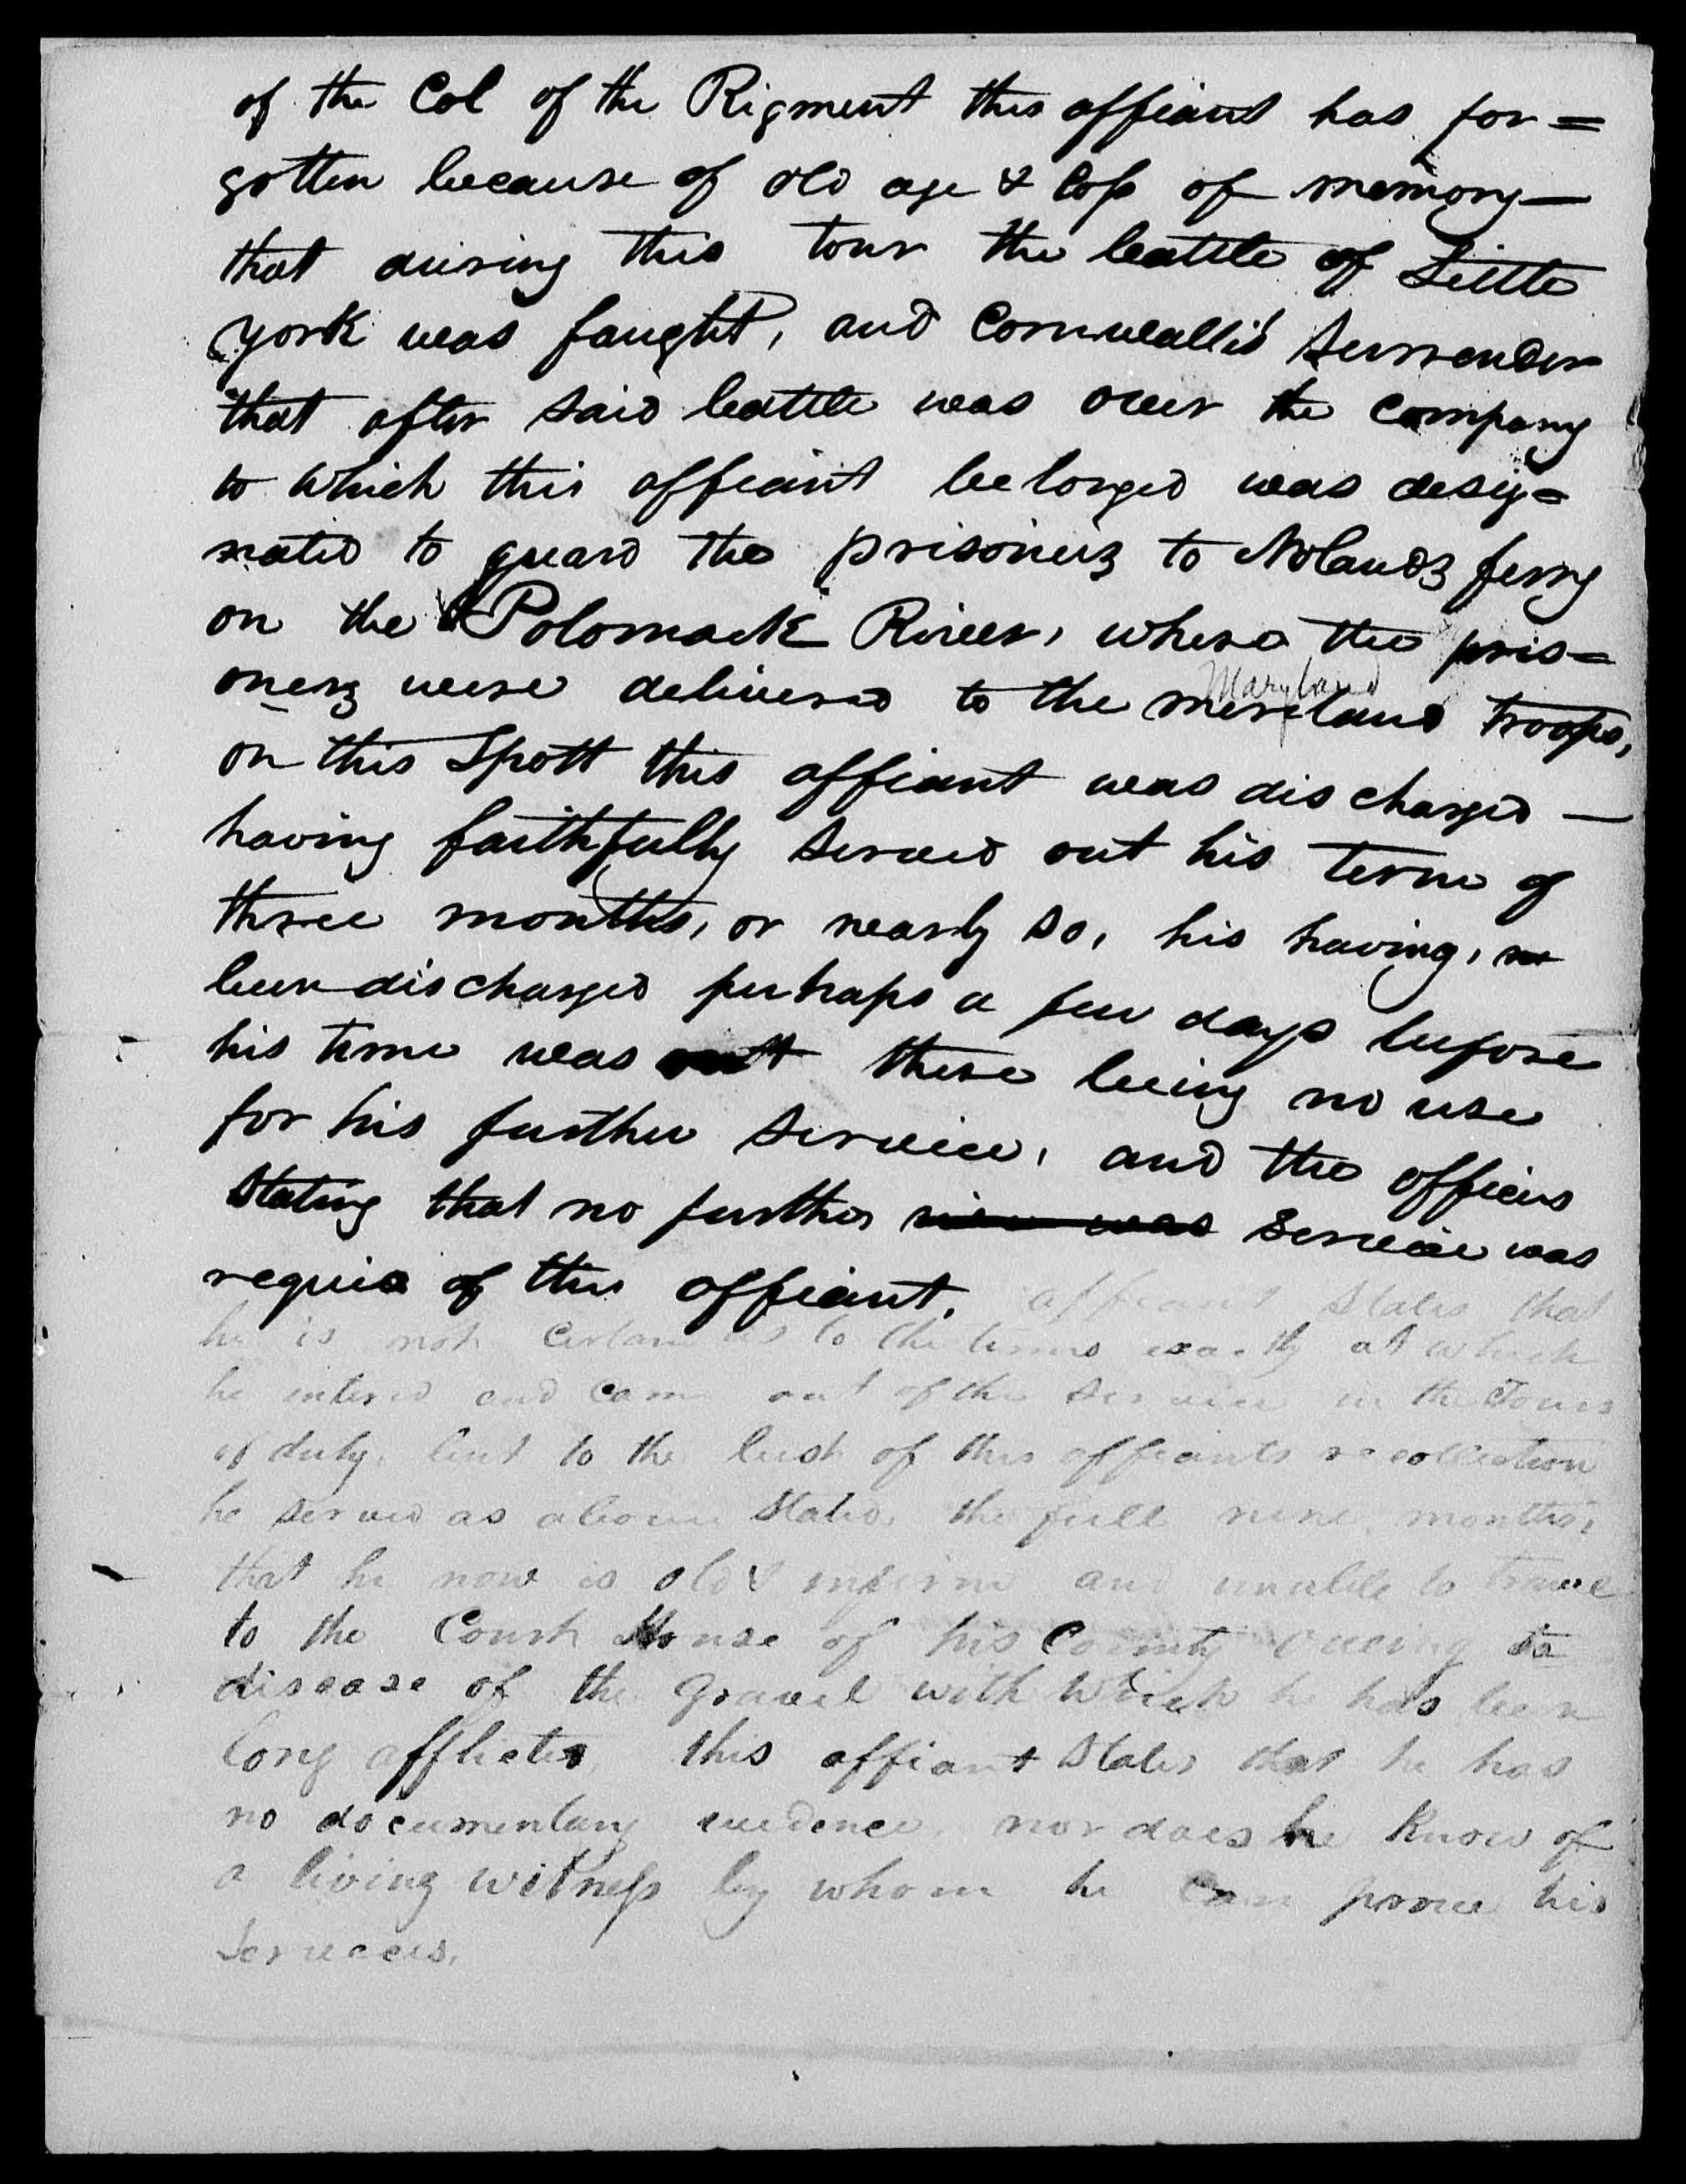of the Col of the Rigment this affiant has forgotten 
because of old age & loss of memory
that during this tour the battle of Little
York was fought, and Cornwallis surrender
that after said battle was over the company
to which this affiant belonged was designated
to guard the prisoners to Nolands ferry
on the Potomack River, where the prisoners 
were delivered to the meriland [inserted] Maryland [/inserted] troops,
on this spott this affiant was discharged -
having faithfully served out his term of
three months, or nearly so, his having 
been discharged perhaps a few days before
his time was out there being no use
for his further service, and the officers
stating that no further [crossed out] [illegible] was [/crossed out] service was
require of this affiant. affiant states that
he is not certain as to the times exactly at which
he entered and came out of the service in the Tours
of duty but to the best of this affiants recollection
he served as above stated, the full nine months,
that he now old & infirm and unable to travel
to the Court House of his county oweing to
disease of the gravel with which he has been
long afflicted, this affiant states that he has
no documentary evidence, nor does he know of
a living witness by whom he can prove his
Services.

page: 6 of 79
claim: rejected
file: R. 3863, Robert Gaines, Va.